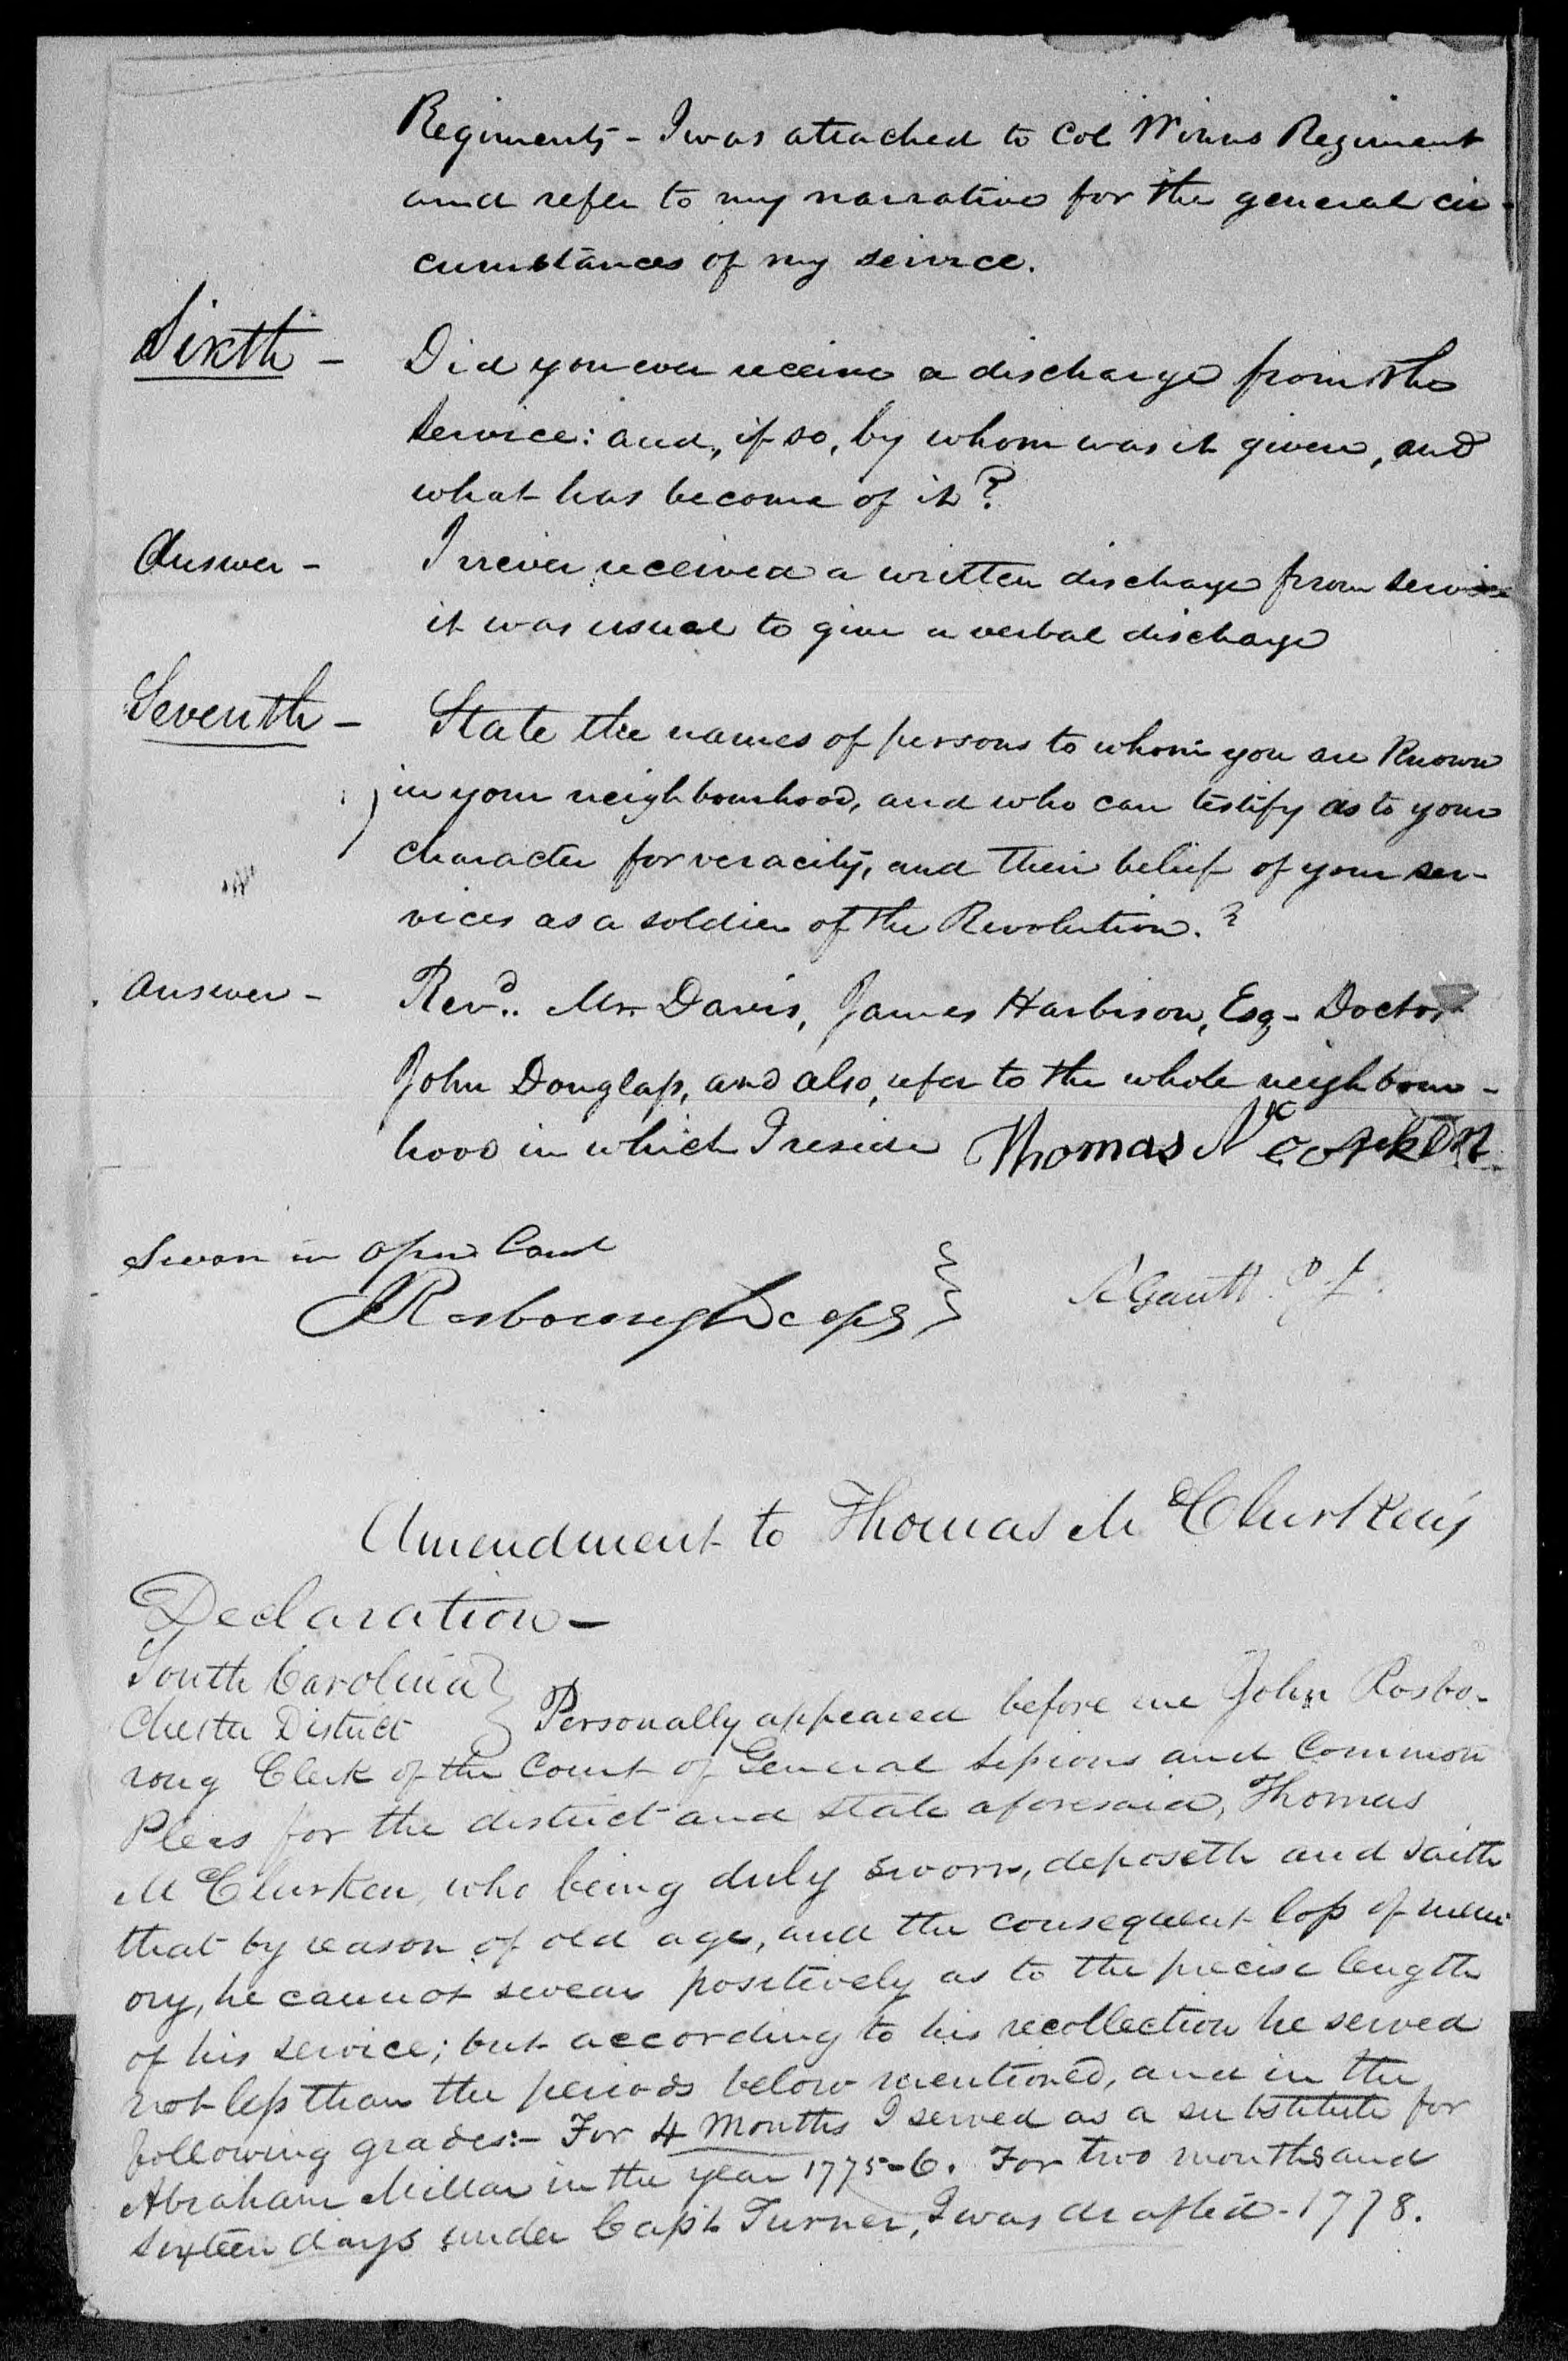Regiments - I was attached to Co.l Winns Regiment and refer to my narrative for the general circumstances of my service. 

Sixth- Did you ever receive a discharge from the service; and if so, by whom was it given, and what has become of it? 
Answer- I never received a written discharge from service it was usual to give a verbal discharge 

Seventh- State the names of persons to whom you are known in your neighbourhood, and who can testify as to your character for veracity, and their belief of your services as a soldier of the Revolution. ⎬ 
Answer- Revd Mr. Davis, James Harbison, Esq, Doctor John Douglass, and also, refer to the whole neighbour to in which I reside 

Thomas McClurken 

Sworn in open Court} 
JRosborough Clrk} 
RGantt 

Amendment to Thomas McClurken's Declaration

South Carolina ⎬
Chester District}  
Personally appeared before me John Rosborough Clerk of the Court of General Sessions and Common Pleas for the district and State aforesaid, Thomas McClurken, who being duly sworn, deposeth and saith that by reason of old age, and the consequent laps of memory, he cannot swear positively as to the precise length of his service; but according to his recollection he served not less than the periods below mentioned, and in the following grades: For 4 months I served as a substitute for Abraham Miller in the year 1775-6. For two months and sixteen days under Capt Turner, I was drafted 1778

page: 15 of 93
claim: widow's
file: W. 21792, for Thomas Mc Clurken, South Carolina